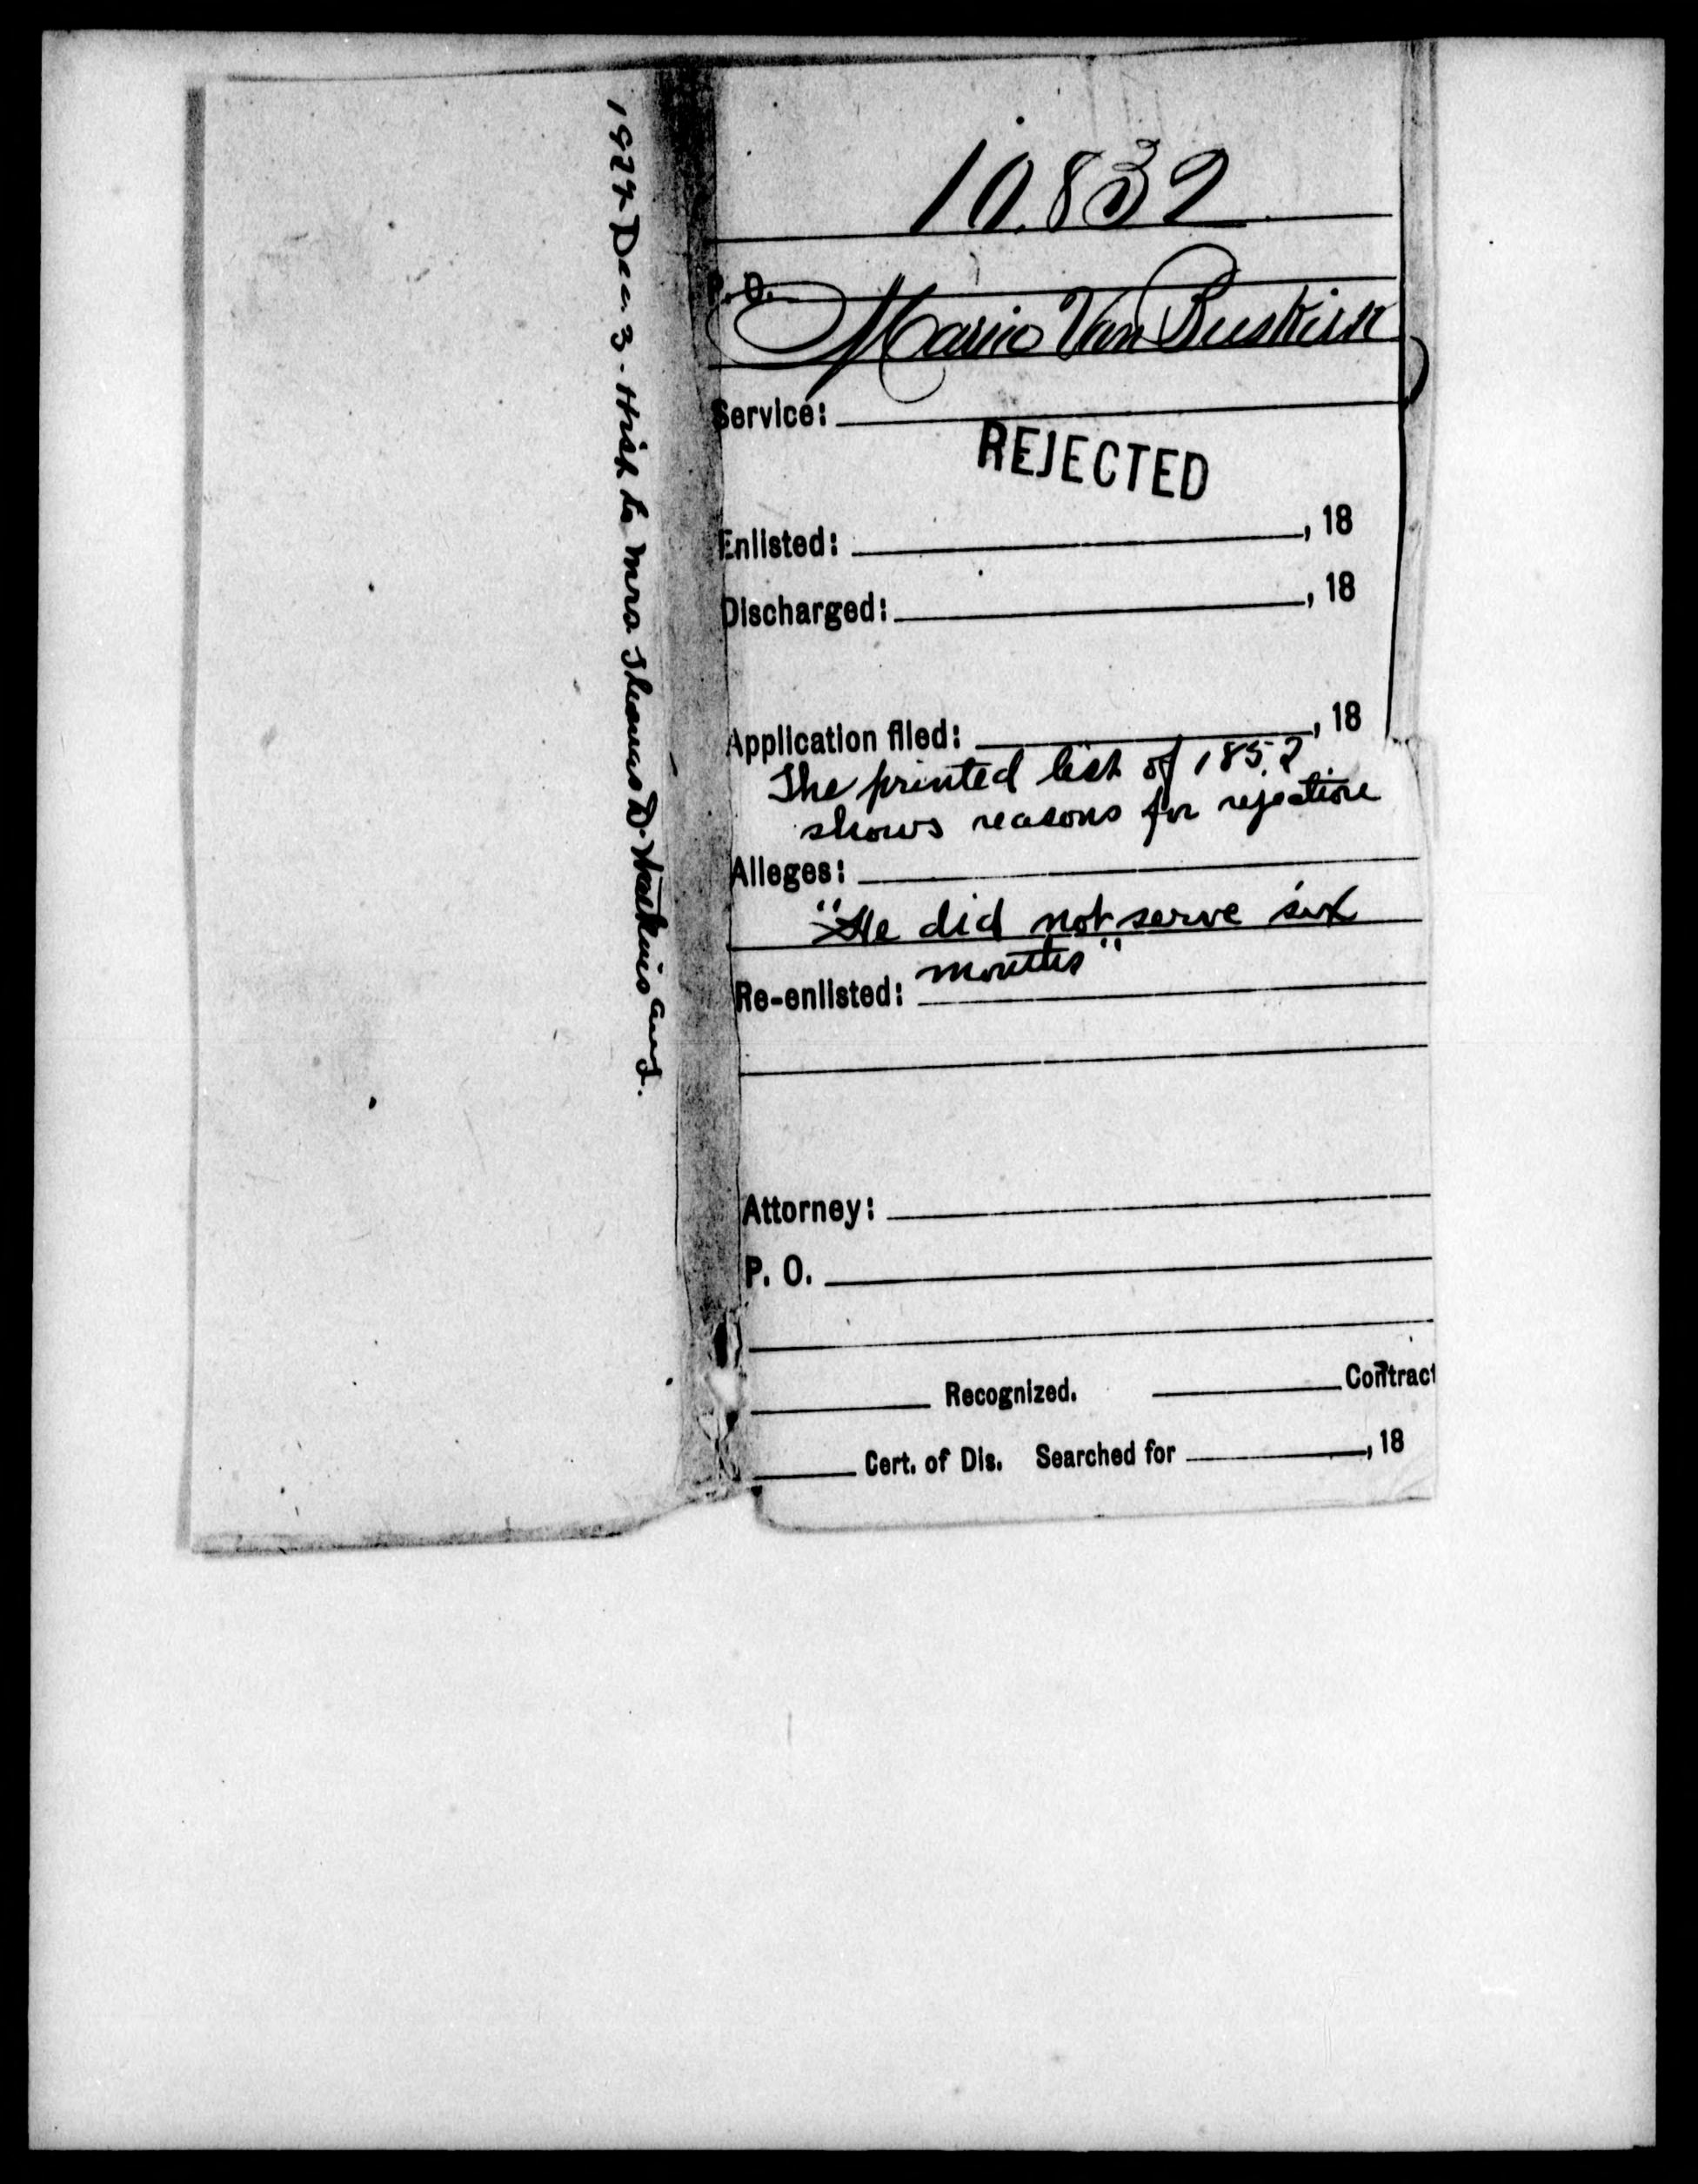[left side of page written vertically]
1927 - Dec. 3 - Hist to Mrs. Thomas D. Watkins [illegible]

[right side of page]
10.832
P.O.___

Maria VanBuskirk

Service:___

REJECTED [stamped] 

Enlisted:___, 18

Discharged:___, 18

Application filed:___, 18

[handwritten in]
The printed list of 1852 shows reasons for rejection 

Alleges: "He did not serve six months"

Re-enlisted:

Attorney:

P. O.

___Recognized.     ___Contract

___Cert. of Dis.     Searched for___, 18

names: Thomas D Watkins, Maria Van Buskirk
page: 18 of 70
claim: rejected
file: R. 10,832, Martin Van Buskirk, New York.